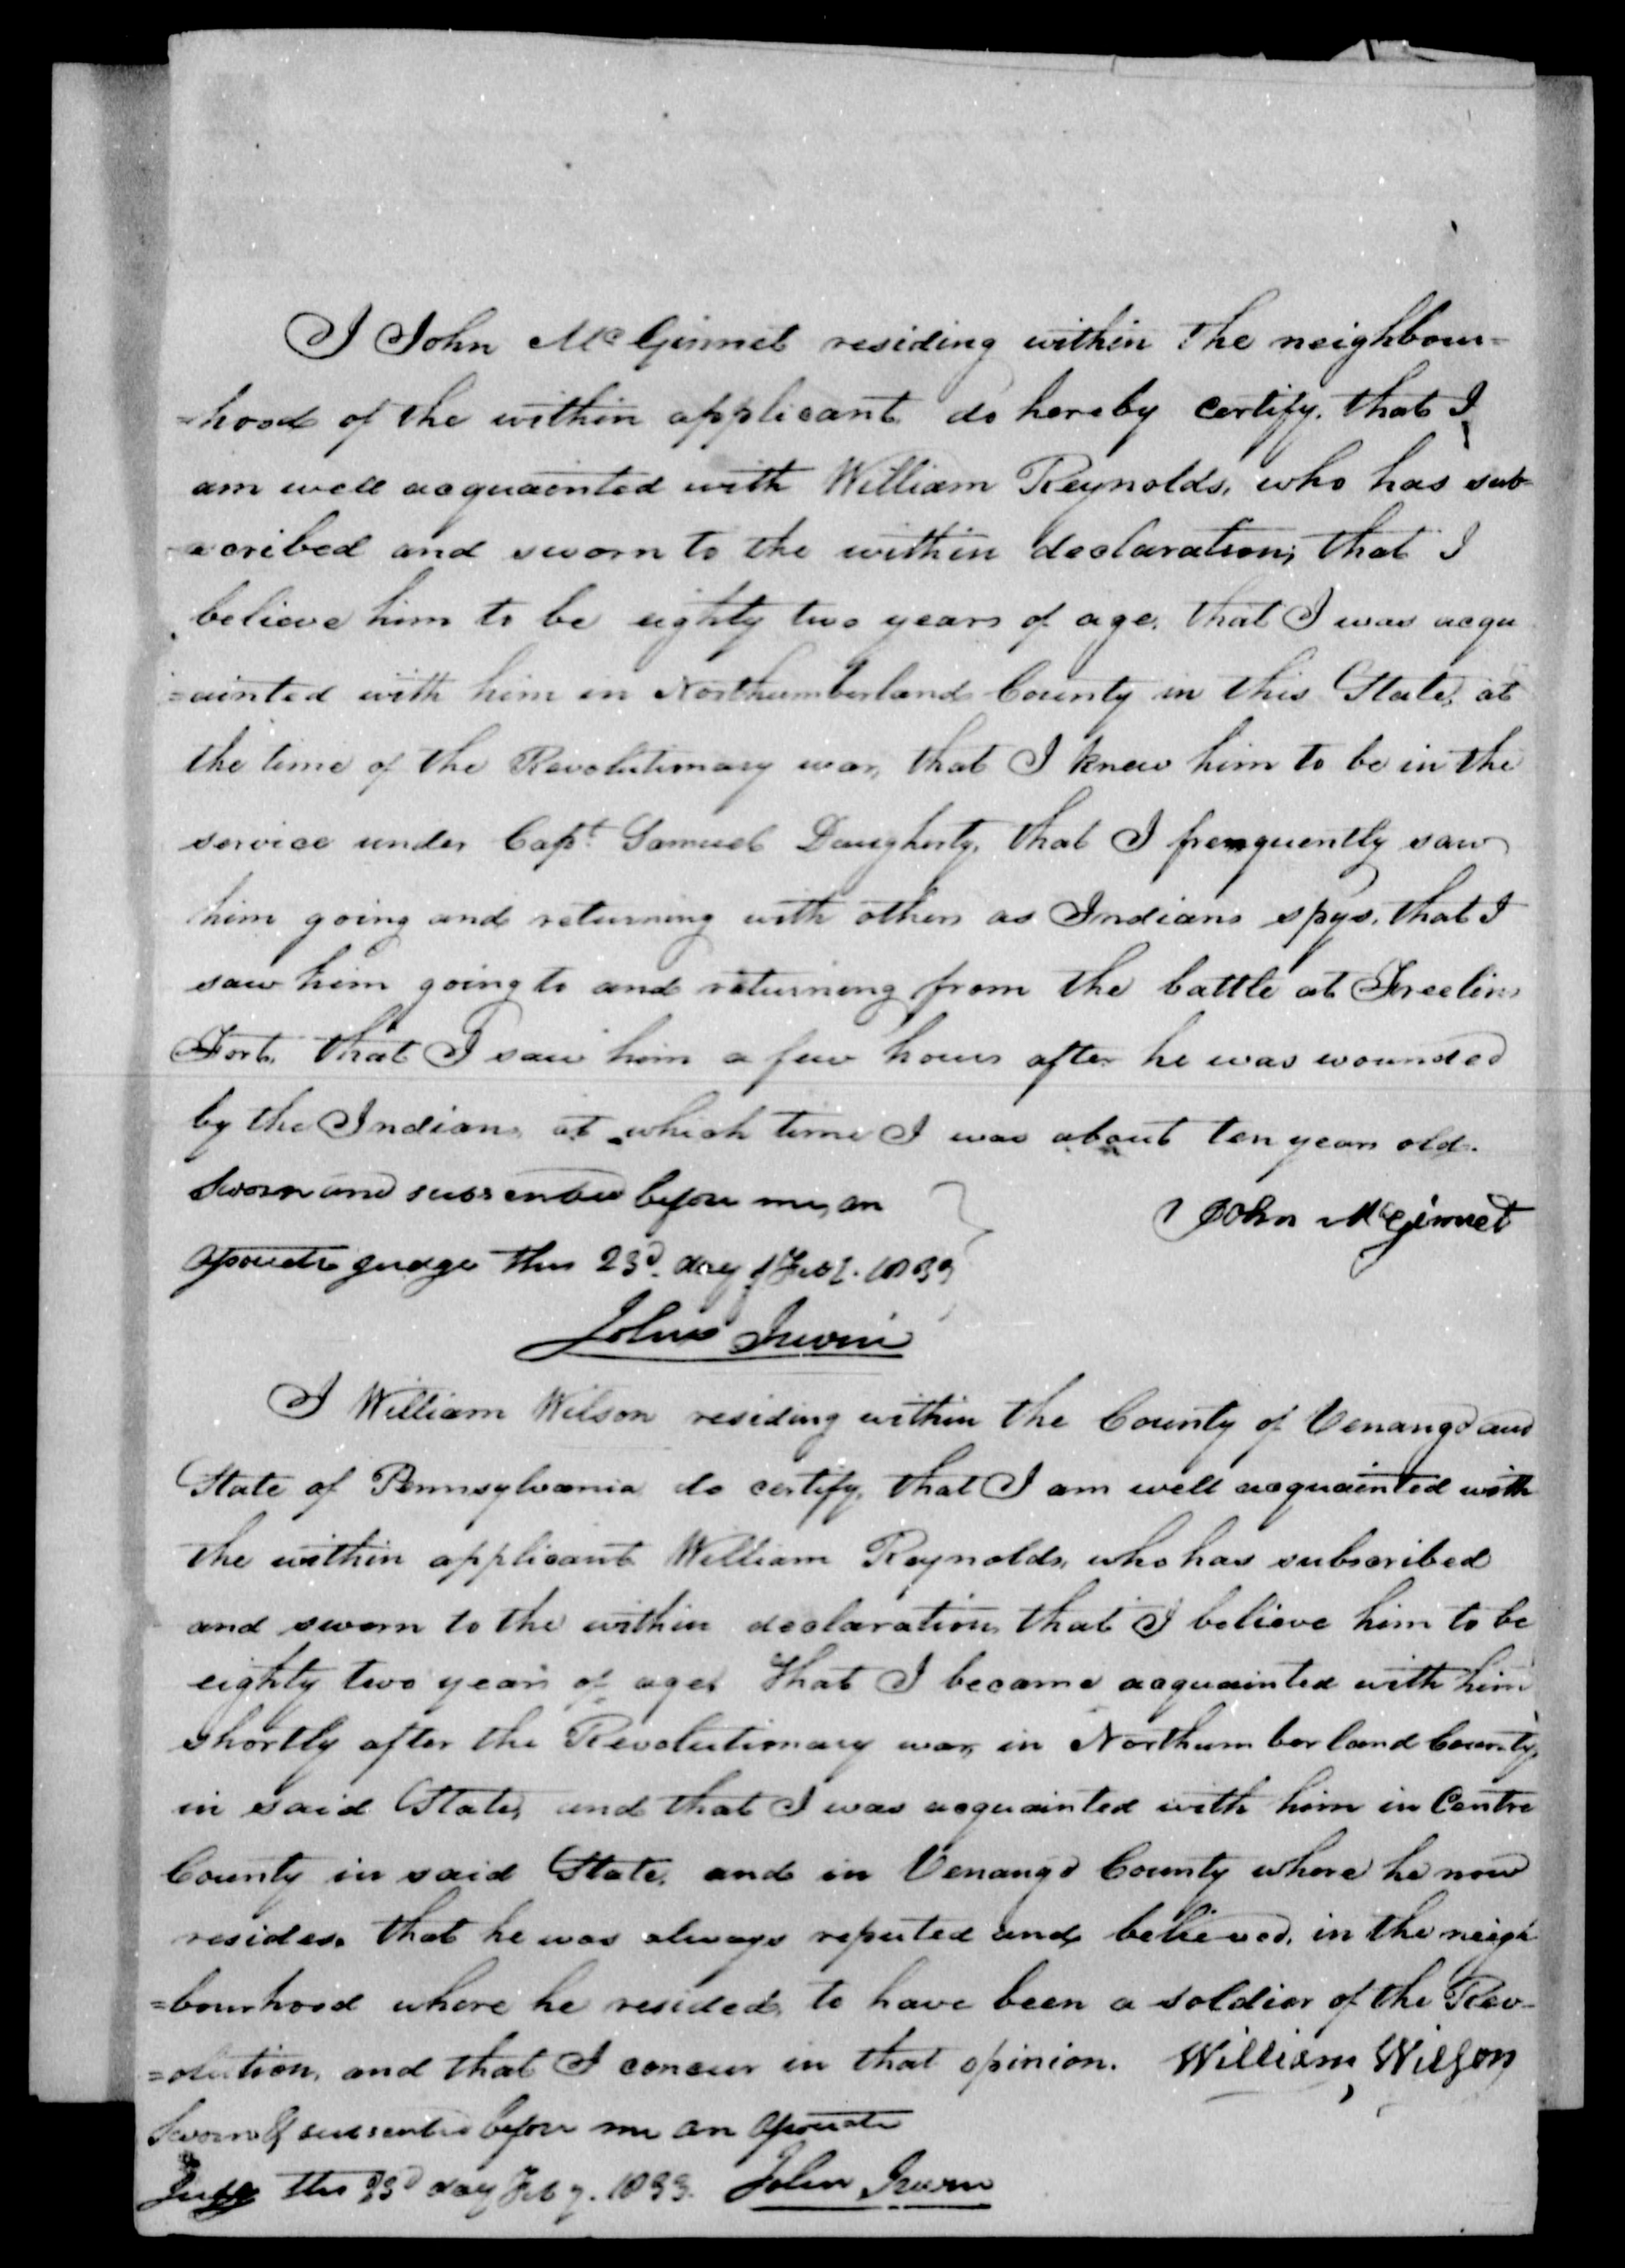I John McGimet residing within the neighborhood of the within applicant do hereby certify that I am well acquainted with William Reynolds, who has subscribed and sworn to the within declaration that I believe him to be eighty two years of age, that I was ... ... with him in Northumberland County in this State at the time of the Revolutionary war, that I knew him to be in the service under Capt Samuel Daugherty, that I frequently saw him going and returning with others as Indian spys, that I saw him going to and returning from the battle at ... .... that I saw him a few hours after he was wounded by the Indians at which time I was about ten years old.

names: John Irwin; William Wilson; William Reynolds; John Mc Ginnet; William Wilson; Samuel Daugherty; John Irwin; John Mc Ginnet; William Reynolds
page: 5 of 19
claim: survivor's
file: S. 14,273, for William Reynolds, Pennsylvania